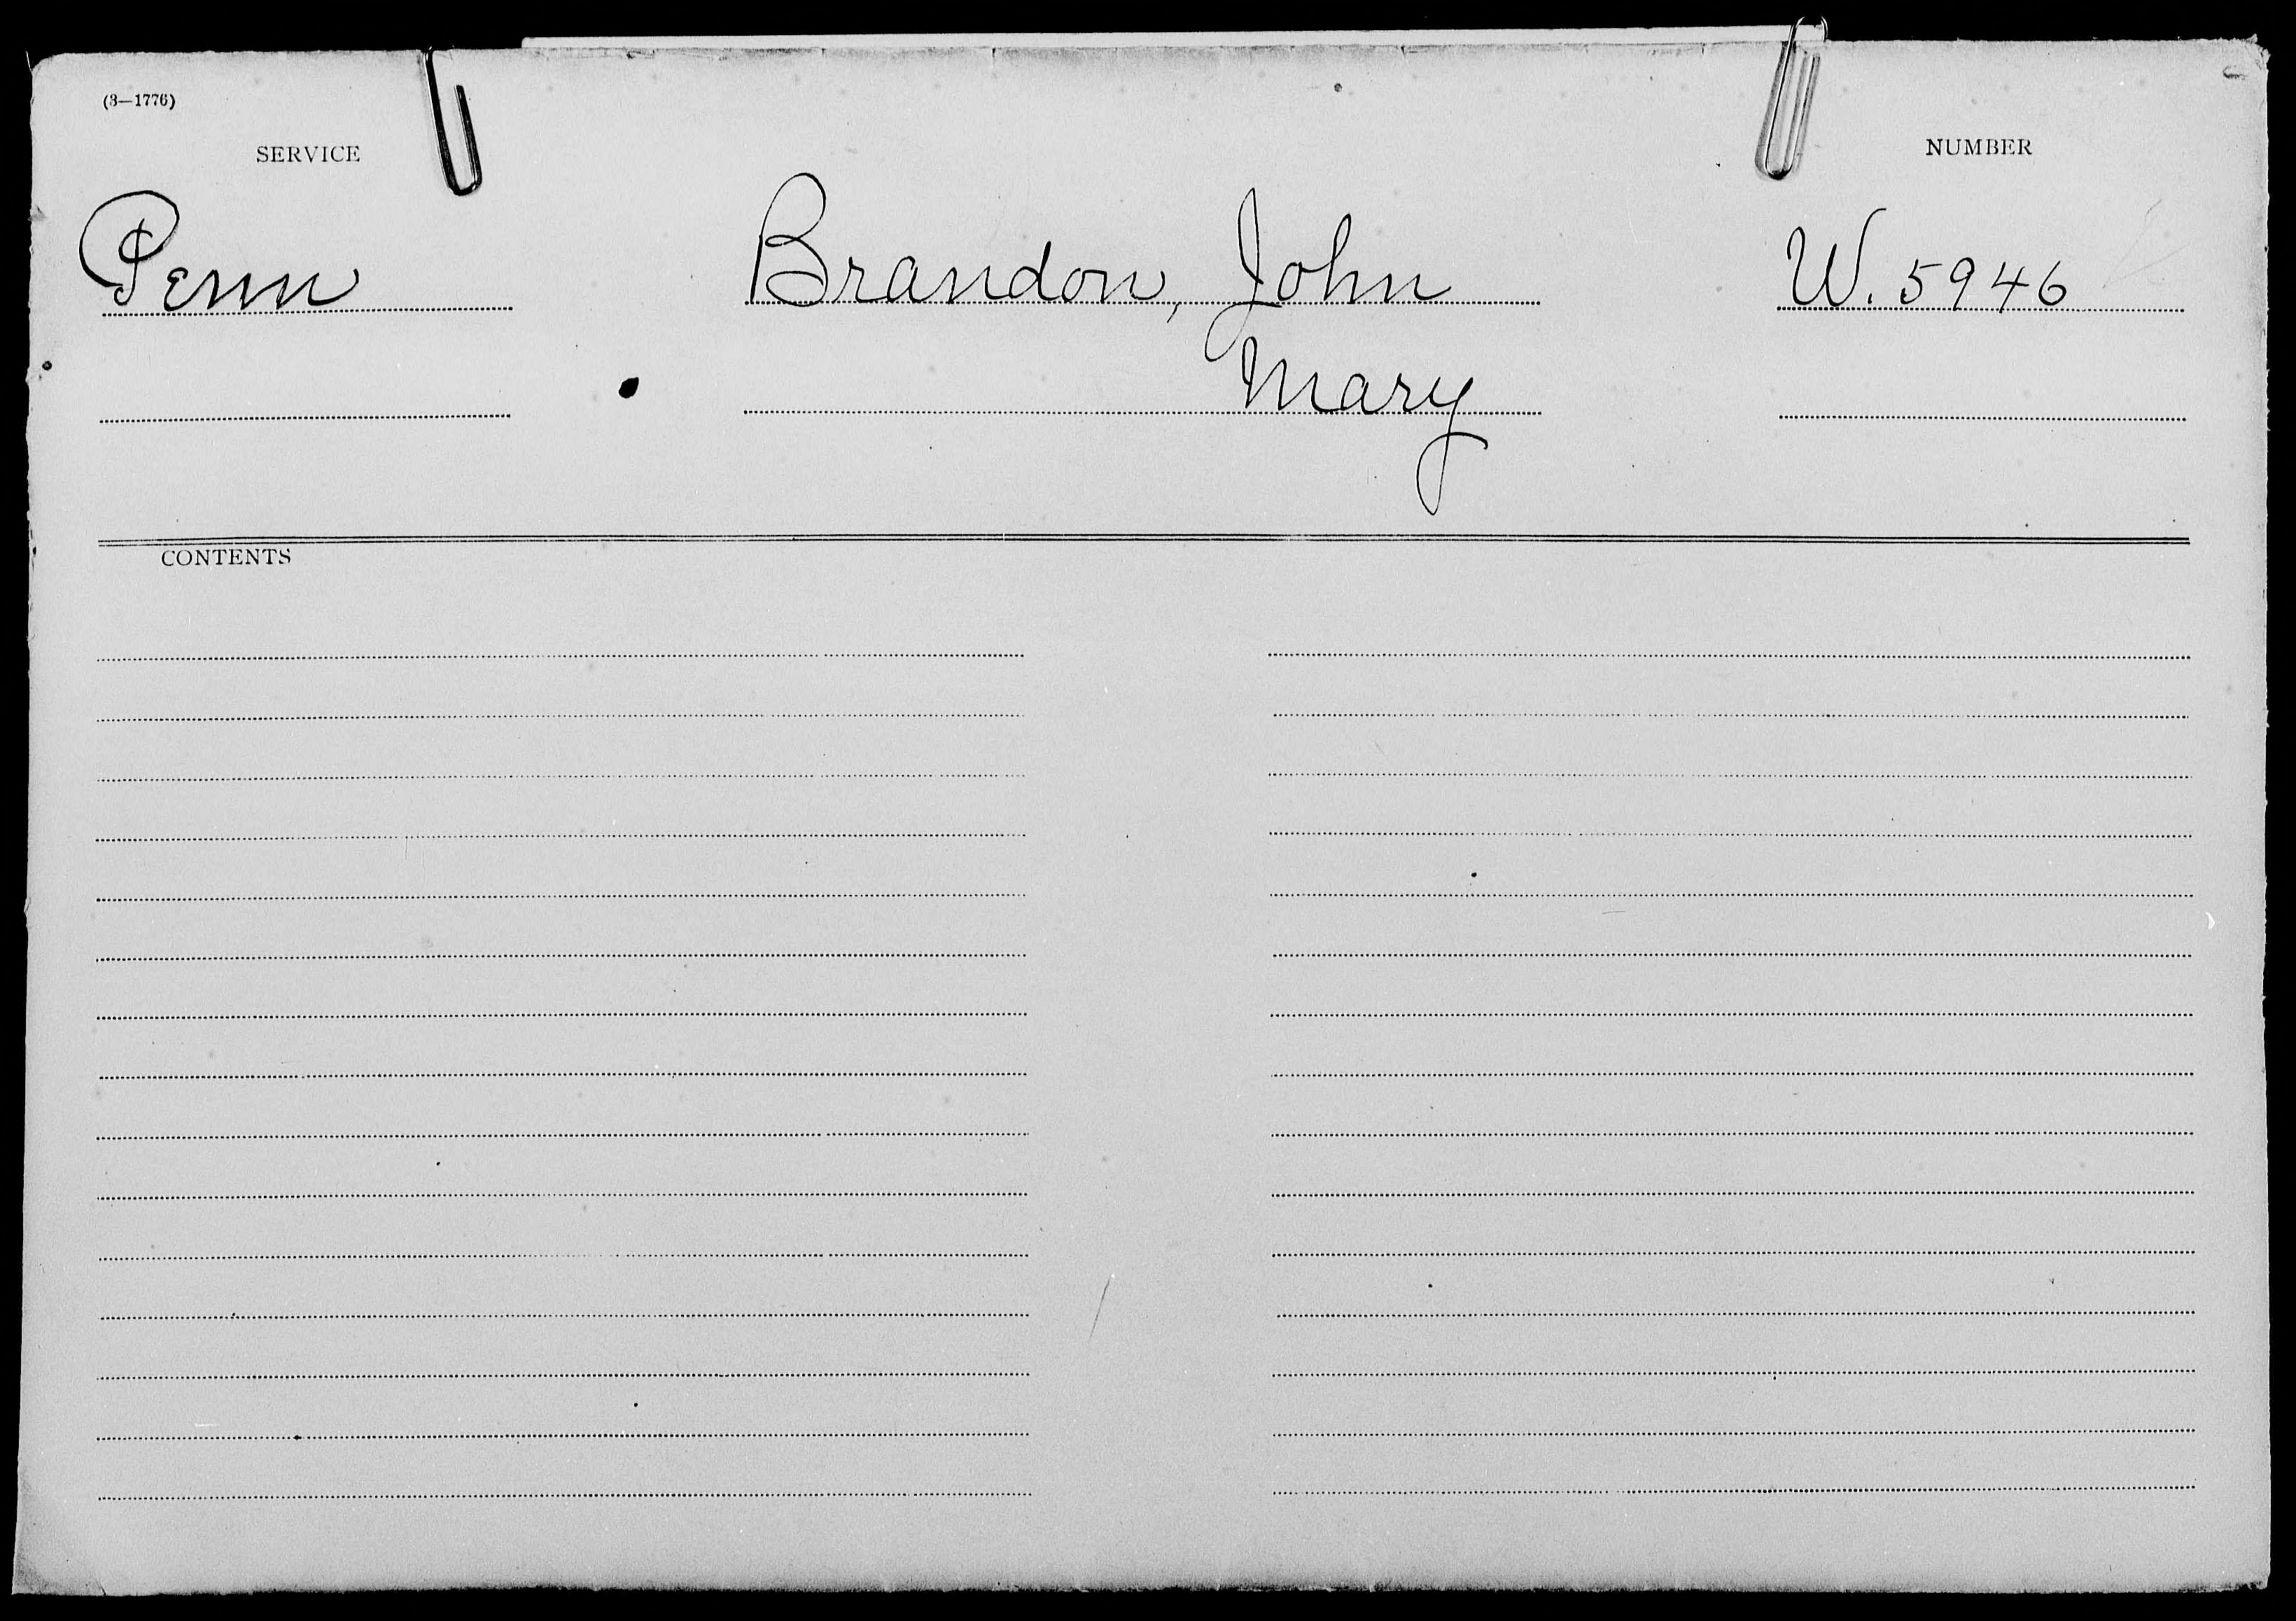Penn
Brandon, John
Mary
W. 5946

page: 1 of 83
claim: widow's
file: W. 5946, John Brandon, Penn